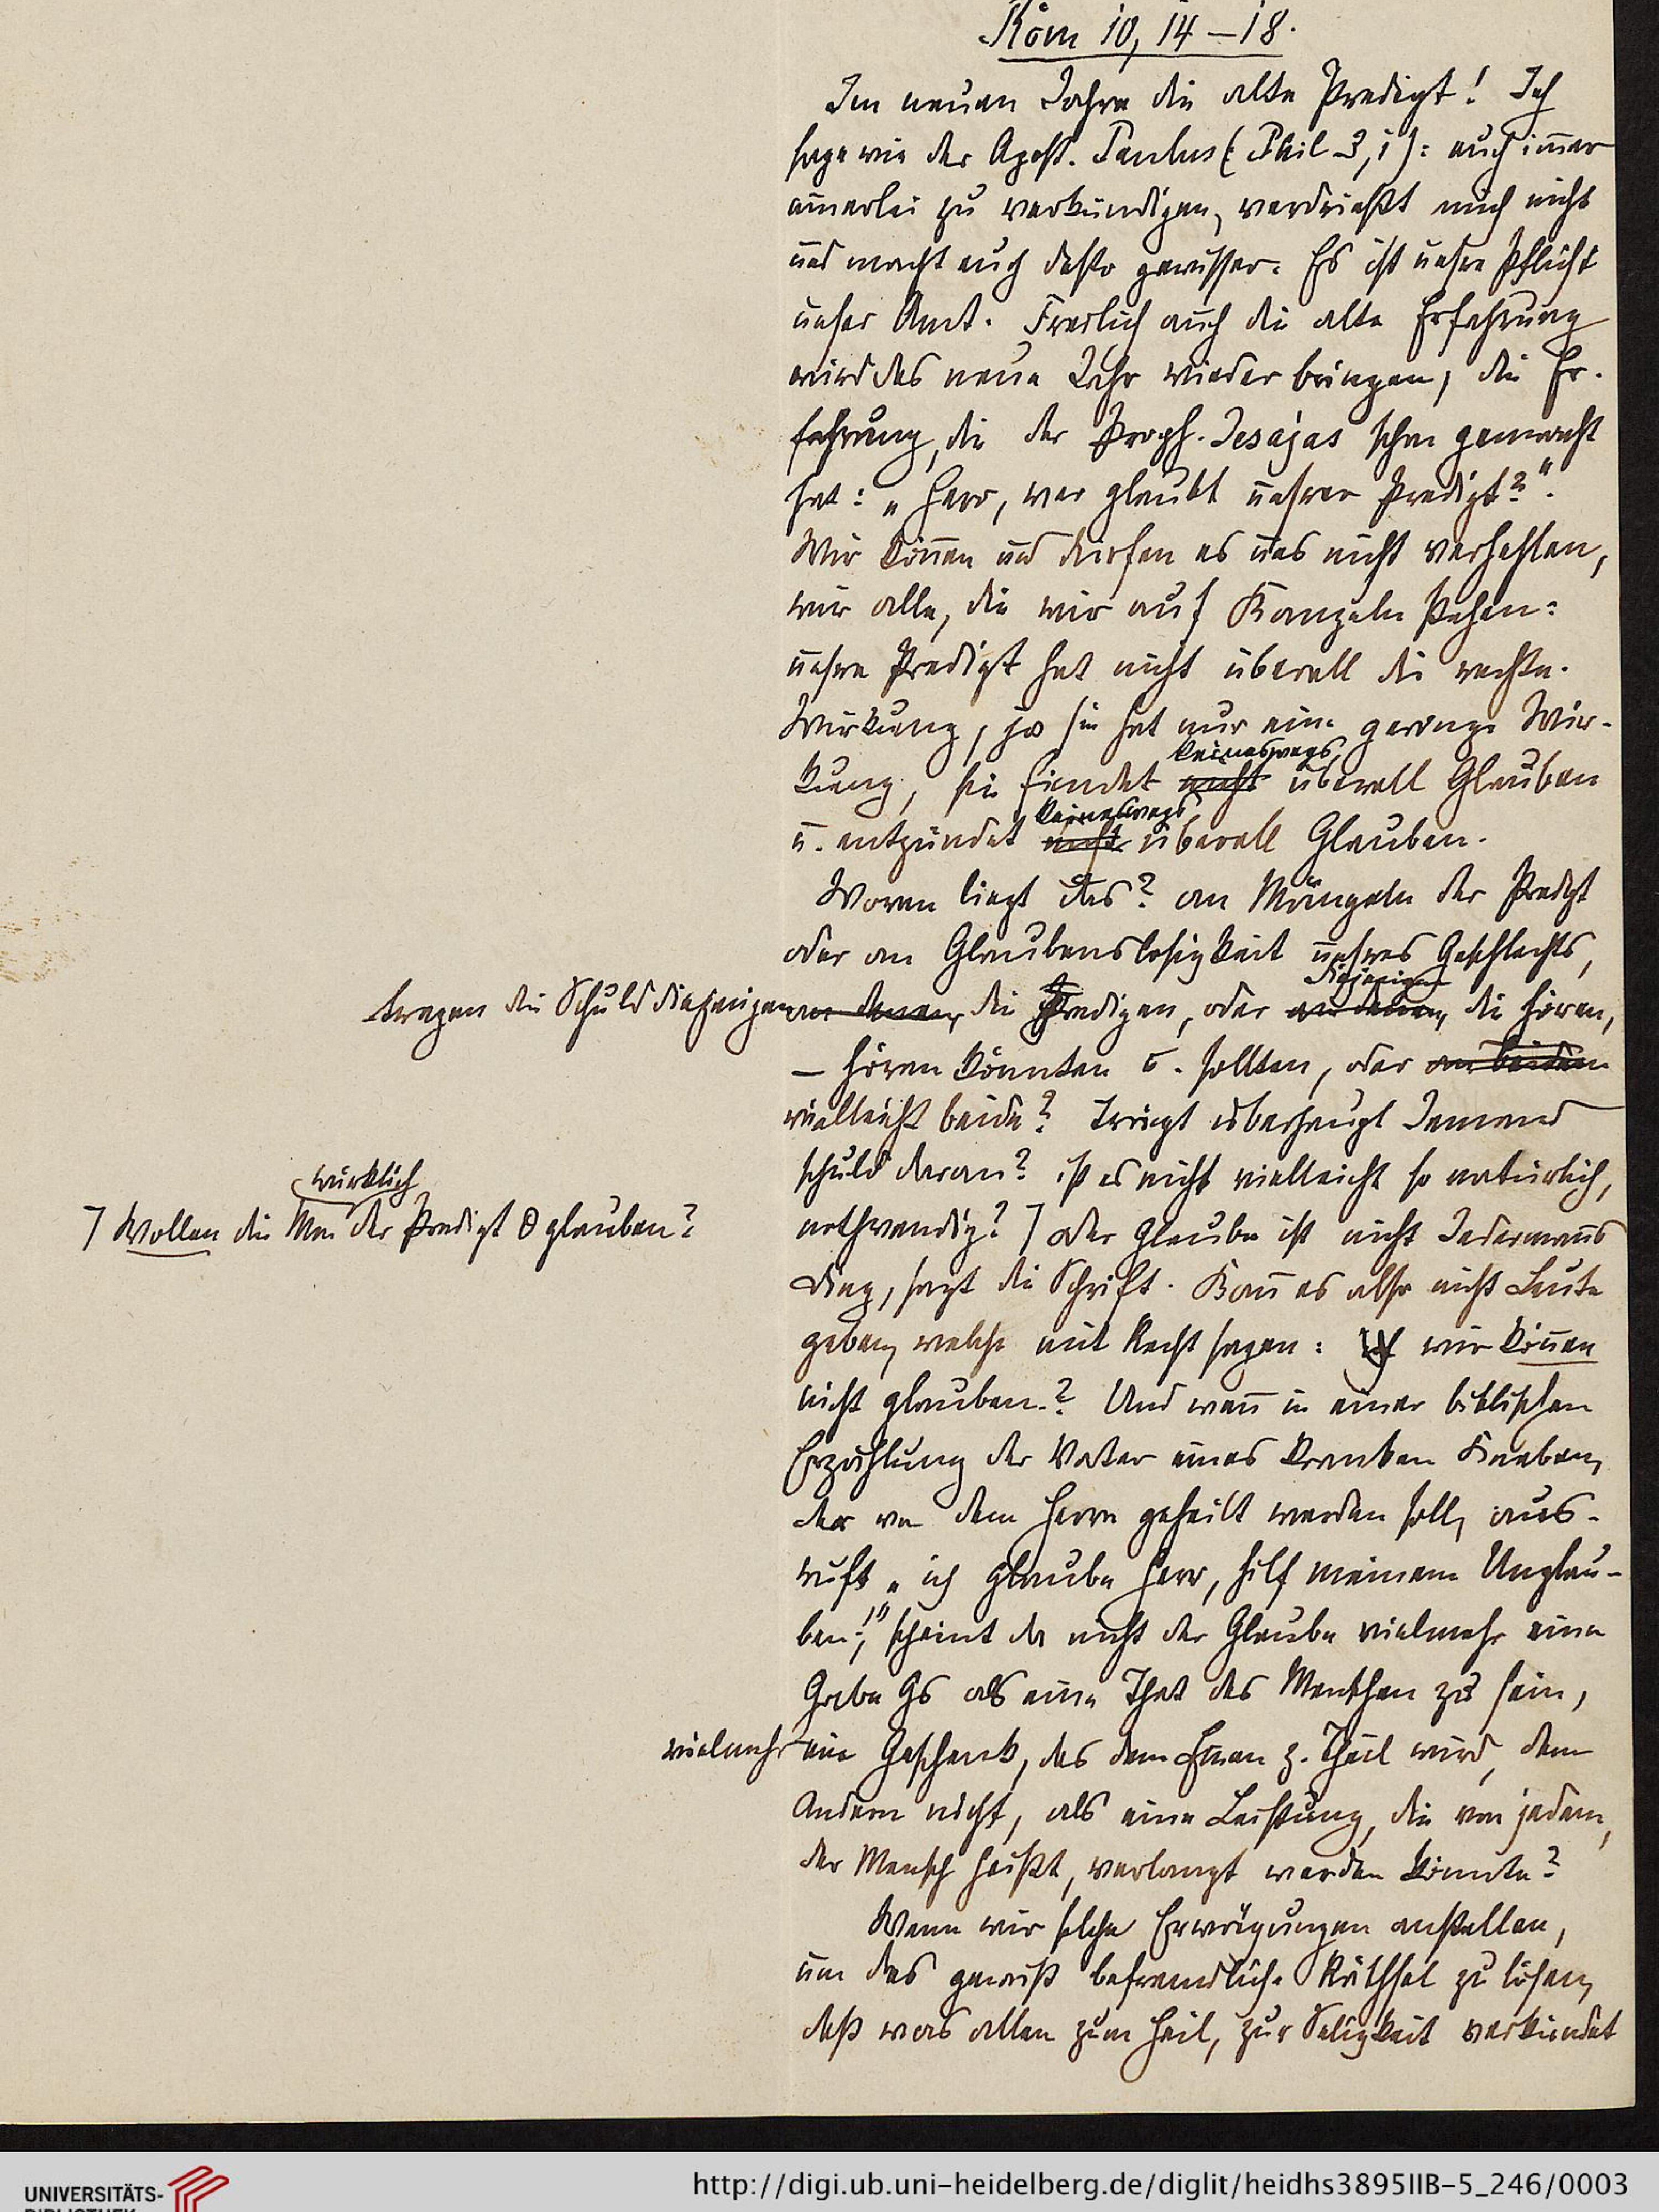Röm 10,14-18.
In neuen Jahre die alte Predigt! Ich
sage wie der Apost. Paulus (Phil. 3,1): euch immer
einerlei zu verkündigen, verdrießt mich nicht
und macht auch desto gewisser. Es ist unsre Pflicht
unser Amt. Freilich auch die alle Erfahrung
wird das neue Jahr wieder bringen, die Er¬
fahrung, die der Proph. Jesaja schon gemacht
hat: "Herr, wer glaubt unsrer Predigt?"
Wir können und dürfen es uns nicht verhehlen,
wir alle, die wir auf Kanzeln stehen:
unsre Predigt hat nicht überall die rechte
Wirkung, ja sie hat nur eine geringe Wir¬
keineswegs
kung, sie findet nicht überall Glauben
keineswegs
u. entzündet nicht überall Glauben.
Woran liegt das? an Mängeln der Predigt
oder an Glaubenslosigkeit unseres Geschlechts,
diegenigen
tragen die Schuld diejenigen derer, die Predigen, oder von denen, die hören,
_ hören könnten u. sollten, oder an beiden
vielleicht beide? Trägt überhaupt Jemand
schuld daran? ist es nicht vielleicht so natürlich,
wirklich
] Wollen die Mn der Predigt o glauben?
nothwendig? ] Der Glaube ist nicht Jedermanns
Ding, sagt die Schrift. Kan es also nicht Leute
geben, welche mit Recht sagen: ich wir könen
nicht glauben? Und wen in einer biblischen
Erzählung der Vater eines kranken Knaben,
der von dem Herren geheilt werden soll, aus¬
ruft "ich glaube Herr, hilf meinem Unglau¬
ben!," scheint da nicht der Glaube vielmehr eine
Gabe Gs als eine That des Menschen zu sein,
vielmehr
ein Geschenk, das dem Einen z. Theil wird, dem
Anderen nicht, als eine Leistung, die von jedem,
der Mensch helißt, verlangt werden könnte?
Wenn wir solche Erwägungen anstellen,
um das gewiß befremdliche Räthsel zu lösen,
daß was allen zum Heil, zur Seligkeit verkündet